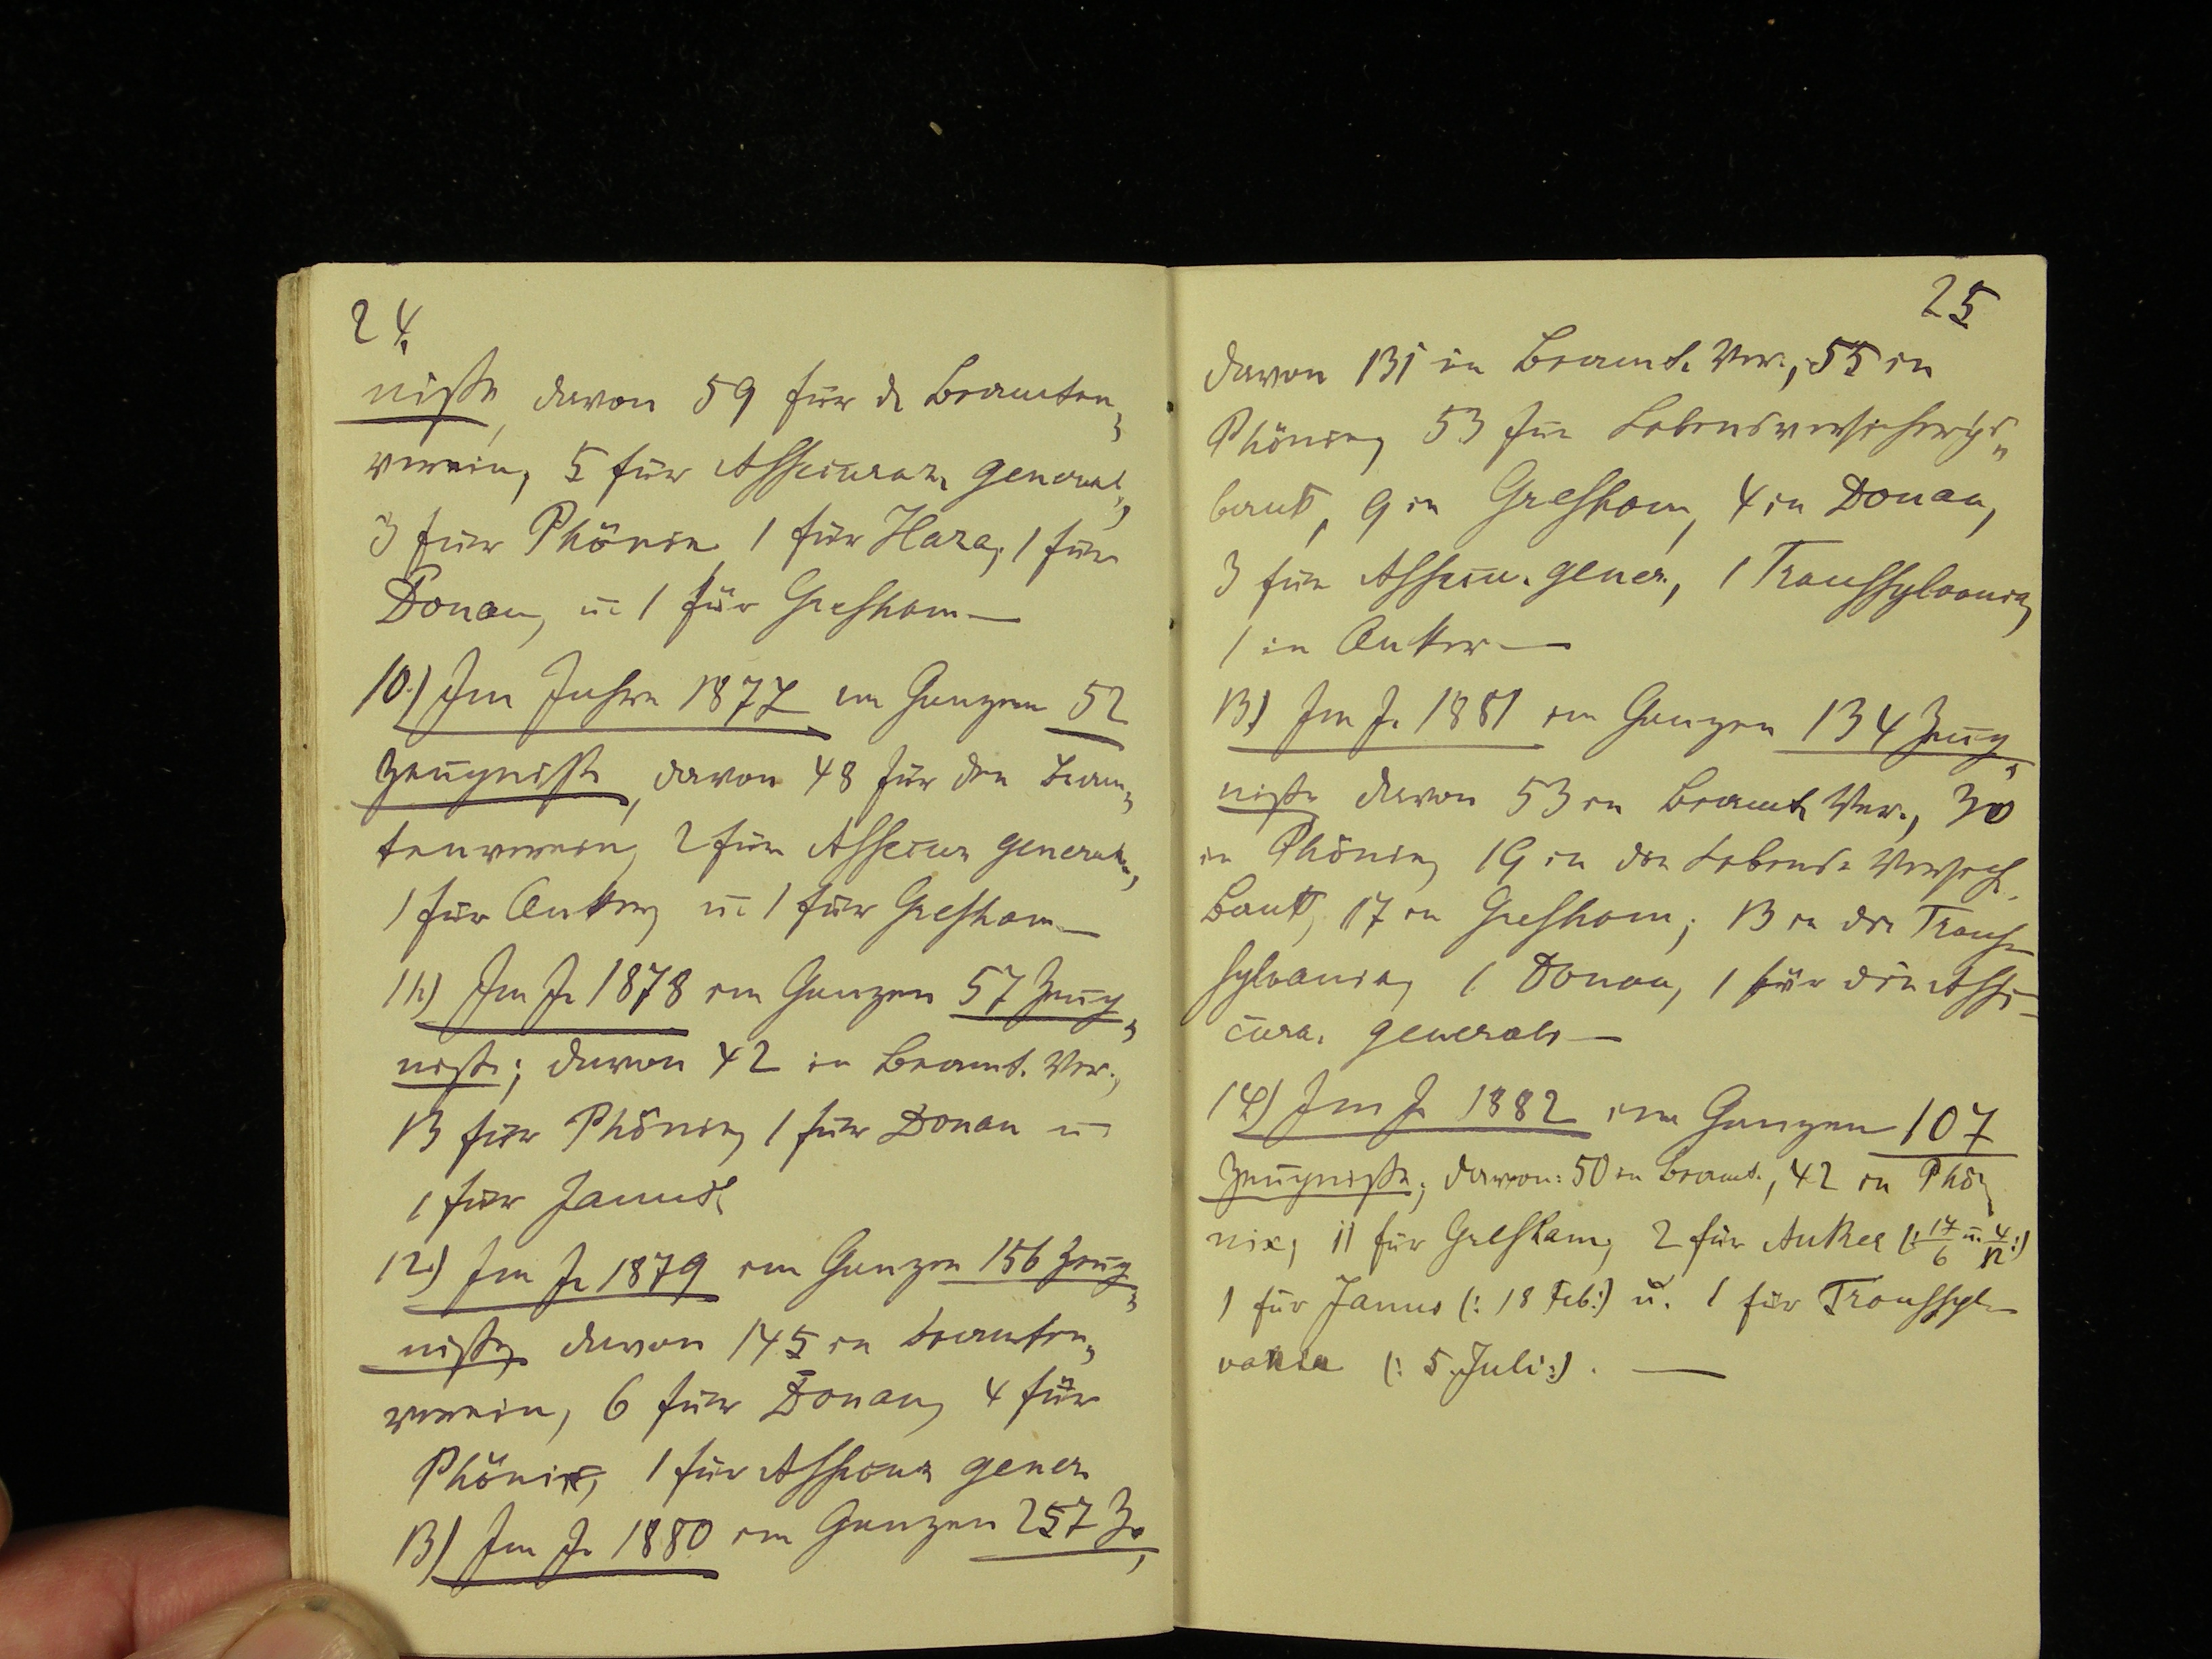24
niße davon 59 für Beamten¬
verein, 5 für Assicuracione generali,
3 für Phönix 1 für Tlara, 1 für
Donau und 1 für Hestony.
10) Im Jahre 1877 im Ganzen 52
Zeugniße, davon 48 für den Beam¬
tenverein, 2 für Assicuracione generali,
1 für Ankry und 1 für Hestony.
11) Im Jahre 1878 im Ganzen 57 Zeug¬
niße, davon 42 in Beamtenverein,
13 für Phönix, 1 für Donau,
1 für Janusi.
12 ) Im Jahre 1879 im Ganzen 156 Zeug¬
niße davon 145 in Beamten¬
verein, 6 für Donau, 4 für
Phönix, 1 für Assicur. Generali.
13) Im Jahre 1880 im Ganzen 257 Zeugniße
25
davon 131 in Beamtenverein, 55 in
Phönix, 53 für Lebensversicherungs¬
bank, 9 für Hestony, 4 für Donau,
3 für Assicuracione generali, 1 für Transilvania,
1 für Anker.
14) Im Jahre 1881 im Ganzen 134 Zeug¬
niße ,davon 53 in Bamtenverein, 30
in Phönix, 19 in der Lebens,Versich.
Bank , 17 in Hestony, 13 in die Tran¬
sylvania, 1 in Donau, 1 für die Assi¬
cur. Generali.—
15) Im Jahre 1882 im Ganzen 107
Zeugniße; davon 50 in Beamtver., 42 in Phö¬
nix, 11 für Hestony, 2 für Anker (: 17/5 und 4/12 ) ,
1 für Janus (. 18 febr. :) und 1 für Transyl¬
vania. (: 5. Juli :). ________________